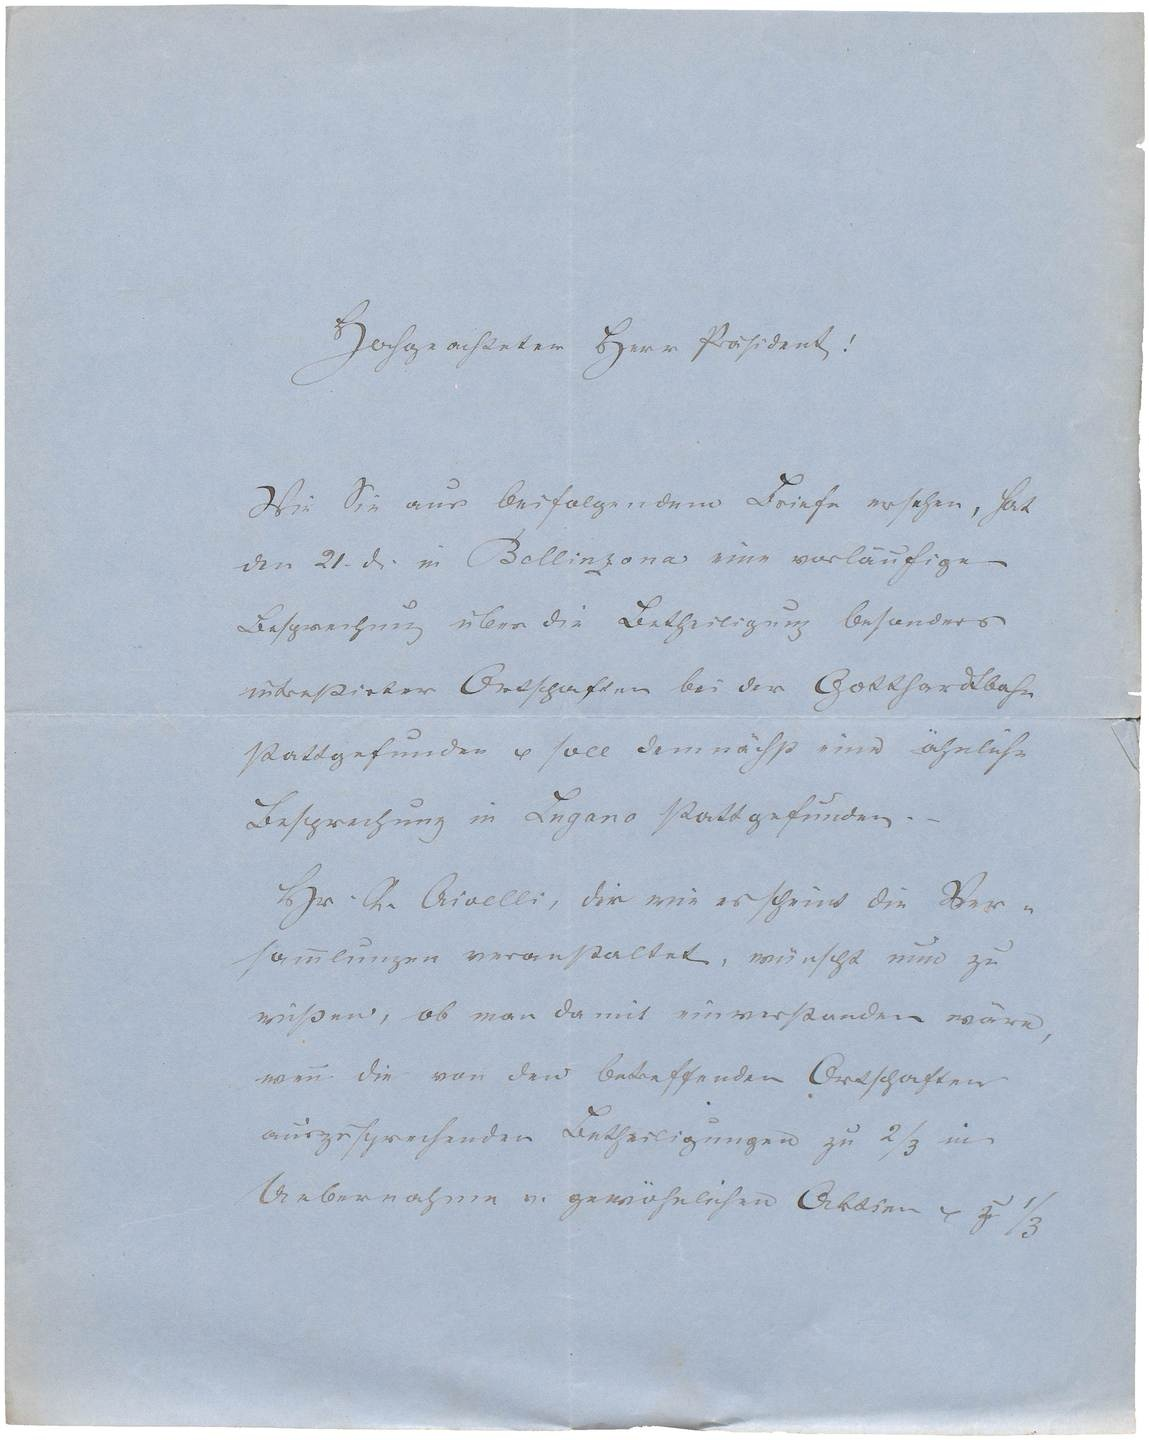Hochgeachteter Herr Präsident!
Wie Sie aus beifolgendem Briefe ersehen, hat
den 21. d. in Bellinzona eine vorläufige
Besprechung über die Betheiligung besonders
intreßirter Ortschaften bei der Gotthardtbahn
stattgefunden & soll demnächst eine ähnliche
Besprechung in Lugano stattgefunden. –
Hr. Ch.Crivelli, der wie es scheint die Ver-
sammlungen veranstaltet, wünscht nun zu
wißen, ob man damit einverstanden wäre,
wenn die von den betreffenden Ortschaften
auszusprechenden Betheiligungen zu ⅔ in
Uebernahme v. gewöhnlichen Aktien & zu ⅓